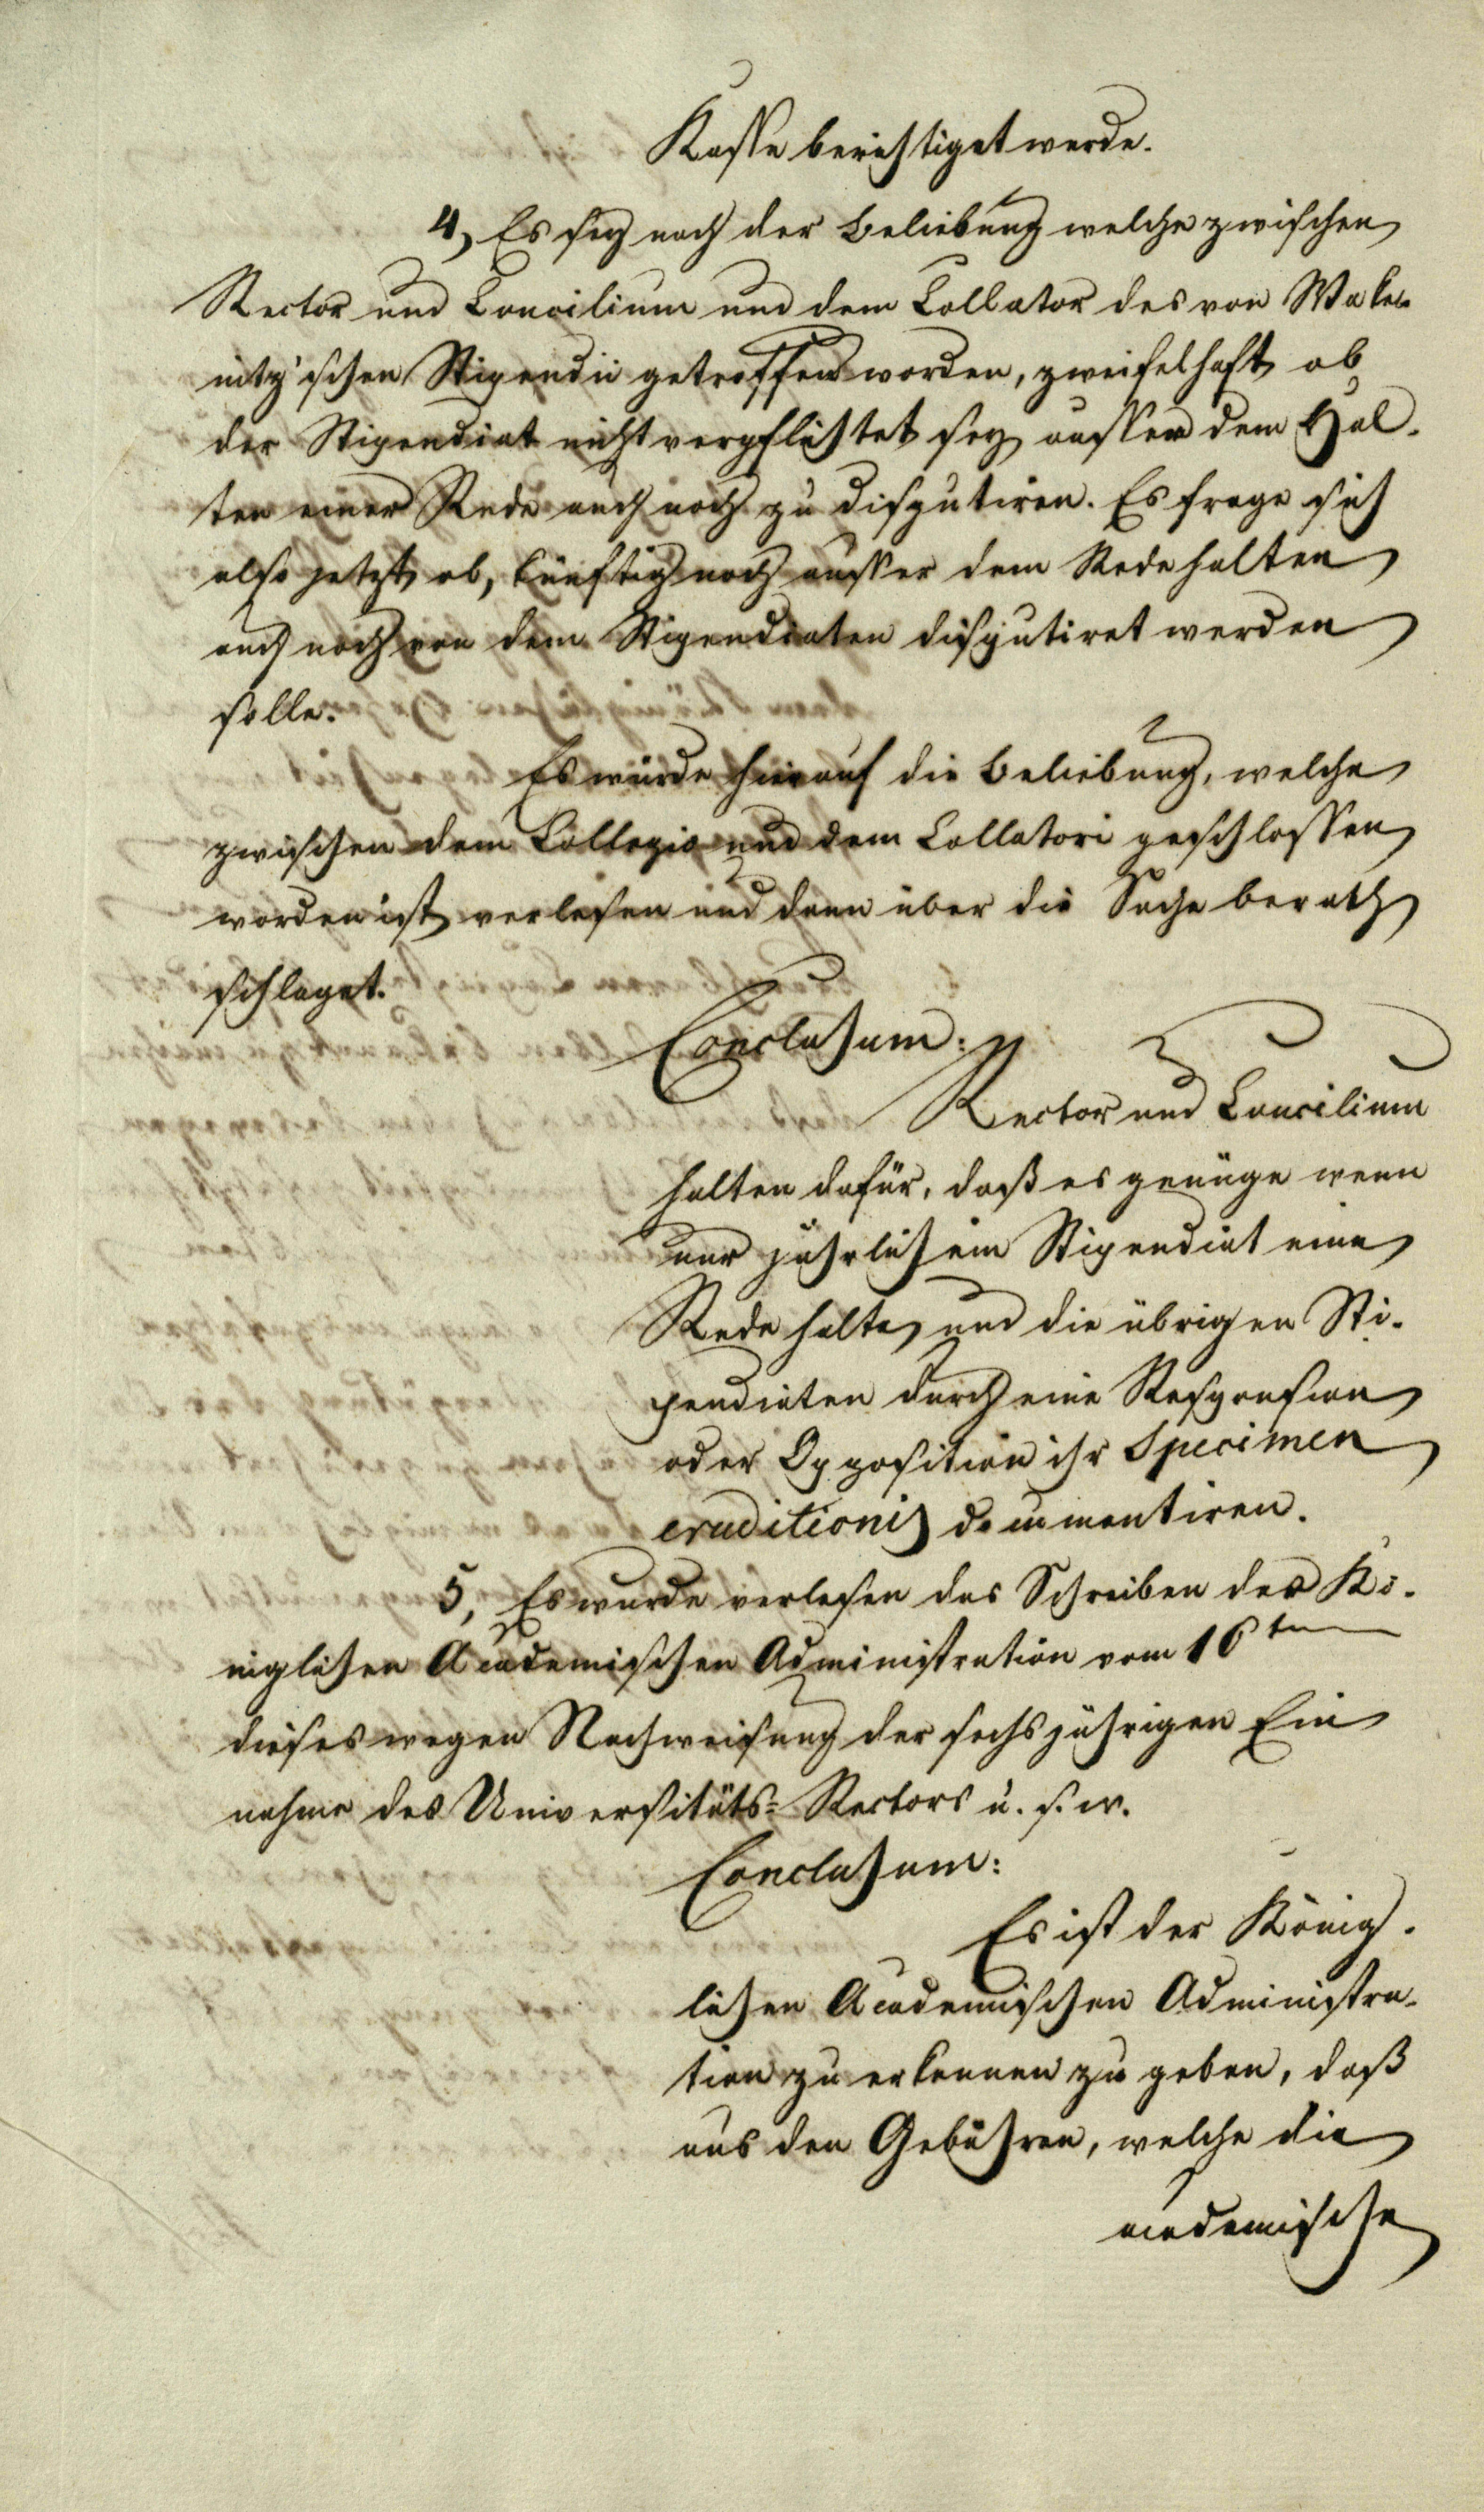Kasse berichtiget werde.
4, Es sey nach der Beliebung welche zwischen
Rector und Concilium und dem Collator des von Wake¬
nitz'schen Stipendii getroffen worden, zweifelhaft ob
der Stipendiat nicht verpflichtet sey, ausser dem Hal¬
ten einer Rede auch noch zu disputiren. Es frage sich
also jetzt ob, künftig noch ausser dem Redehalten
auch noch von dem Stipendiaten disputiret werden
solle.
Es wird hierauf die Beliebung, welche
zwischen dem Collegio und dem Collatori geschlossen
worden ist, verlesen und dann über die Sache berath¬
schlaget.
Conclusum.
Rector und Concilium
halten dafür, daß es genüge wenn
nur jährlich ein Stipendiat eine
Rede halte und die übrigen Sti¬
pendiaten durch eine Responsion,
oder Opposition ihr Specimen
eruditionis documentiren.
5, Es wurde verlesen das Schreiben der Kö¬
niglichen Academischen Administration vom 16 ten
dieses wegen Nachweisung der sechsjährigen Ein¬
nahme des Universitäts-Rectors u. s. w.
Conclusum:
Es ist der König¬
lichen Academischen Admimstra¬
tion zu erkennen zu geben, daß
aus den Gebühren, welche die
academische